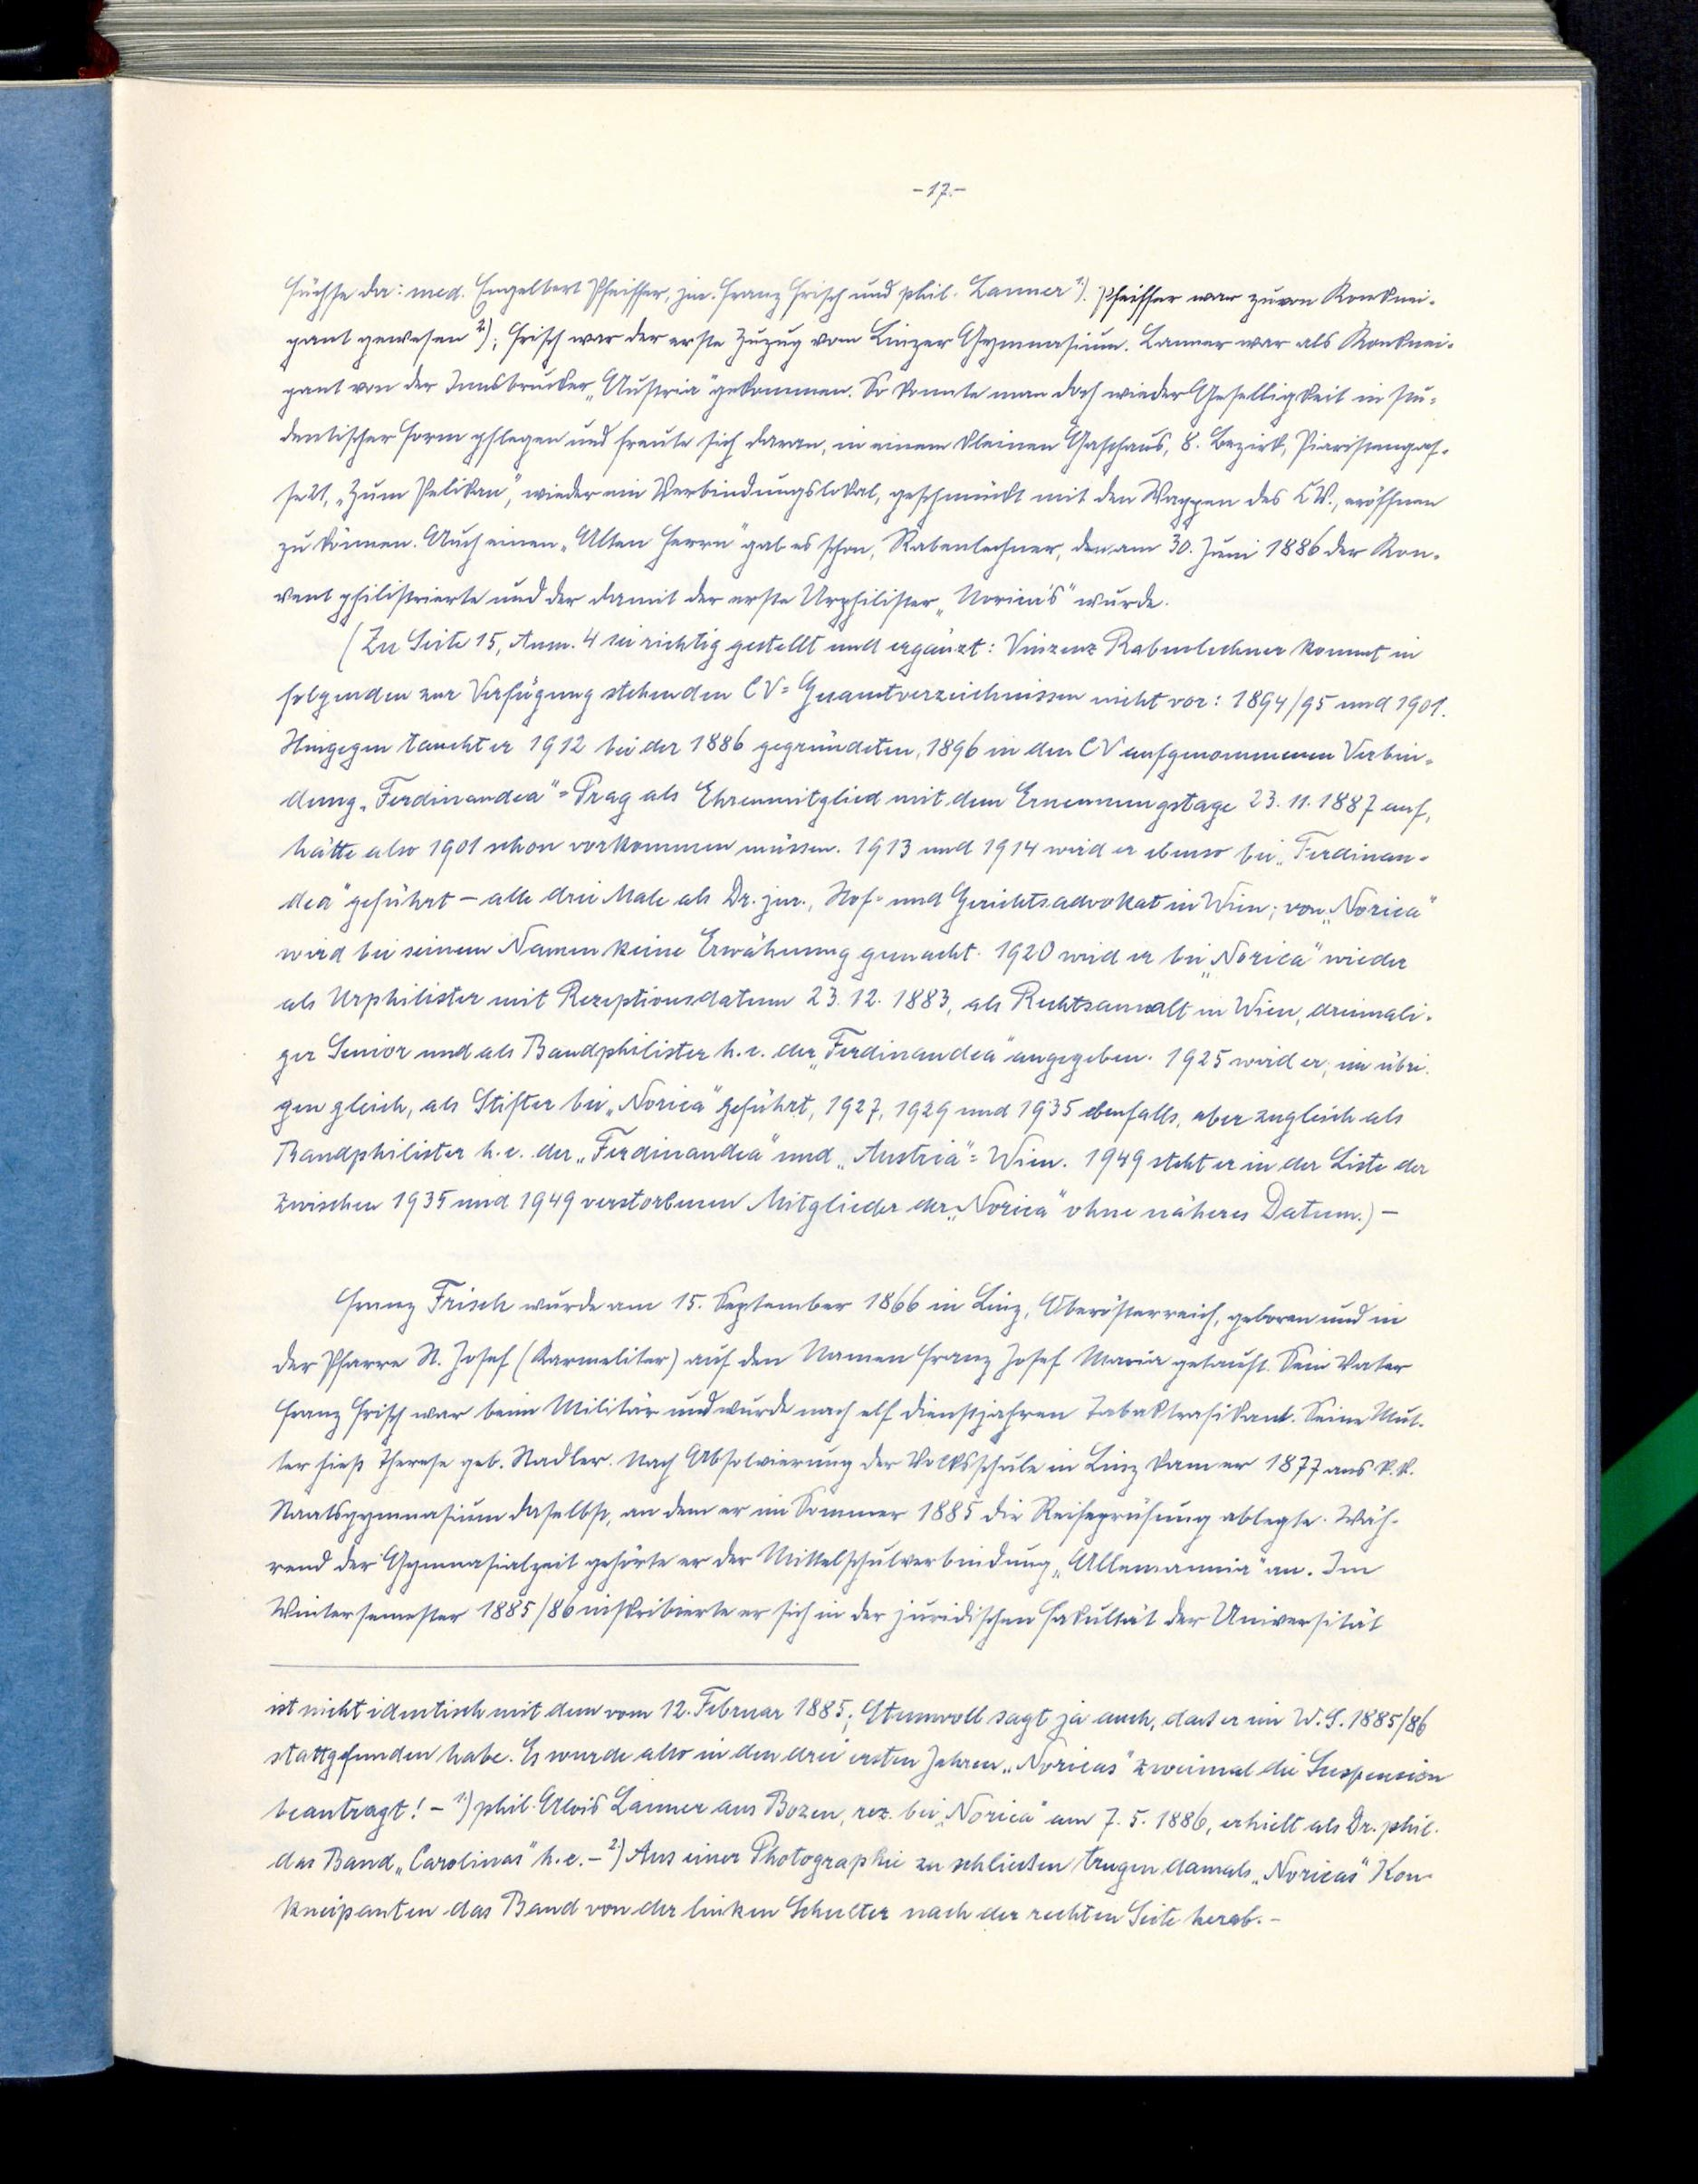17
Füchse da. Mit Engelbert Pfeiffer, iur. Franz Frisch und phil. Lanner 1) Pfeiffer zuvor Konknei-
pant gewesen, Frisch der erste Zuzug vom Linzer Gymnasium. Lanner war als Konknei-
pent von der Innsbrucker Austriaaus der gekommen. So konnte man doch wieder Geselligkeit in stu-
dentischer Form pflegen und freute sich in einem kleinen Gasthaus, 8. Bezirk, Piaristengas-
se 21, „zum Pelikan, wieder ein Verbindungslokal, geschmückt mit den Wappen des CV eröffnen
zu können. Auch einen „Alten Herrn“ gab es schon. Rabenlechner, den am 30. Juni 1886 der Kon-
vent philistrierte und der damit der erste Urphilister „Noricas“ wurde.
(Zu Seite 15, Anm. 4 sei richtiggestellt und ergänzt: Vinzenz Rabenlechner kommt im
folgenden zur Verfügung stehenden CV-Gesamtverzeichnis nicht vor: 1894/95 und 1901.
Hingegen taucht er 1912 bei der 1886 gegründeten, 1896 in den CV aufgenommenen Verbin-
dung „Ferdinandea“ – Prag als Ehrenmitglied mit dem Ernennungstage 23. 11. 1887 auf
Hätte also 1901 schon vorkommen müssen. 1913 und 1914 wird er ebenso bei „Ferdinan-
dea“ geführt - alle drei Male als Dr. iur, Hof- und Gerichtsadvokat in Wien; von „Norica“
wird bei seinem Namen keine Erwähnung gemacht. 1920 wird er bei „Norica“ wieder
als Urphilister mit Rezeptionsdatum der 23.12.1883 als Rechtsanwalt in Wien ainmali (?)
ger Senior und als Bandphilister h.c. der „Ferdinandea“ angegeben. 1925 wird er im übri-
gen gleich als Stifter bei „Norica“ geführt, 1927 und 1929 und 1935 ebenfalls, aber zugleich
als Bandphilister h. c. der „Ferdinandea“ und „Austria“ Wien. 1949 steht er in der Liste der
zwischen 1935 und 1949 verstorbenen Mitglieder der „Norica“ ohne näheres Datum.)-
Franz Frisch wurde am 15. September 1886 in Linz, Oberösterreich, geboren und in
der Pfarre St. Josef (Karmeliter) auf den Namen Franz Joseph Maria getauft. Sein Vater
Franz Frisch war beim Militär und wurde nach elf Dienstjahren Tabaktrafikant. Seine Mut-
ter hieß Therese geb. Nadler. Nach Absolvierung der Volksschule in Linz kam er 1877 ans k k
Staatsgymnasium daselbst, an dem er im Sommer 1885 die Reifeprüfung ablegte. Wäh-
rend der Gymnasialzeit gehörte er der Mittelschulverbindung „Allemannia“ an. Im
Wintersemester 1885/86 inskribierte er sich in der juridischen Fakultät der Universität
ist nicht identisch mit dem vom 12. Februar 1885. Stummvoll sagte ja auch, dass er im W.S. 1885/86
stattgefunden habe. Es wurde aber in den drei ersten Jahren „Norica“ zweimal die Suspension
beantragt! – 1) phil Alois Lanner aus Bozen, rez. bei „Norica“ am 7.5.1886 erhielt als Dr. phil
das Band „Carolinas“ h.c. – 2) Aus einer Photographie zu schließen trugen damals „Noricas“ Kon-
kneipanten das Band von der linken Schulter nach der rechten Seite herab.